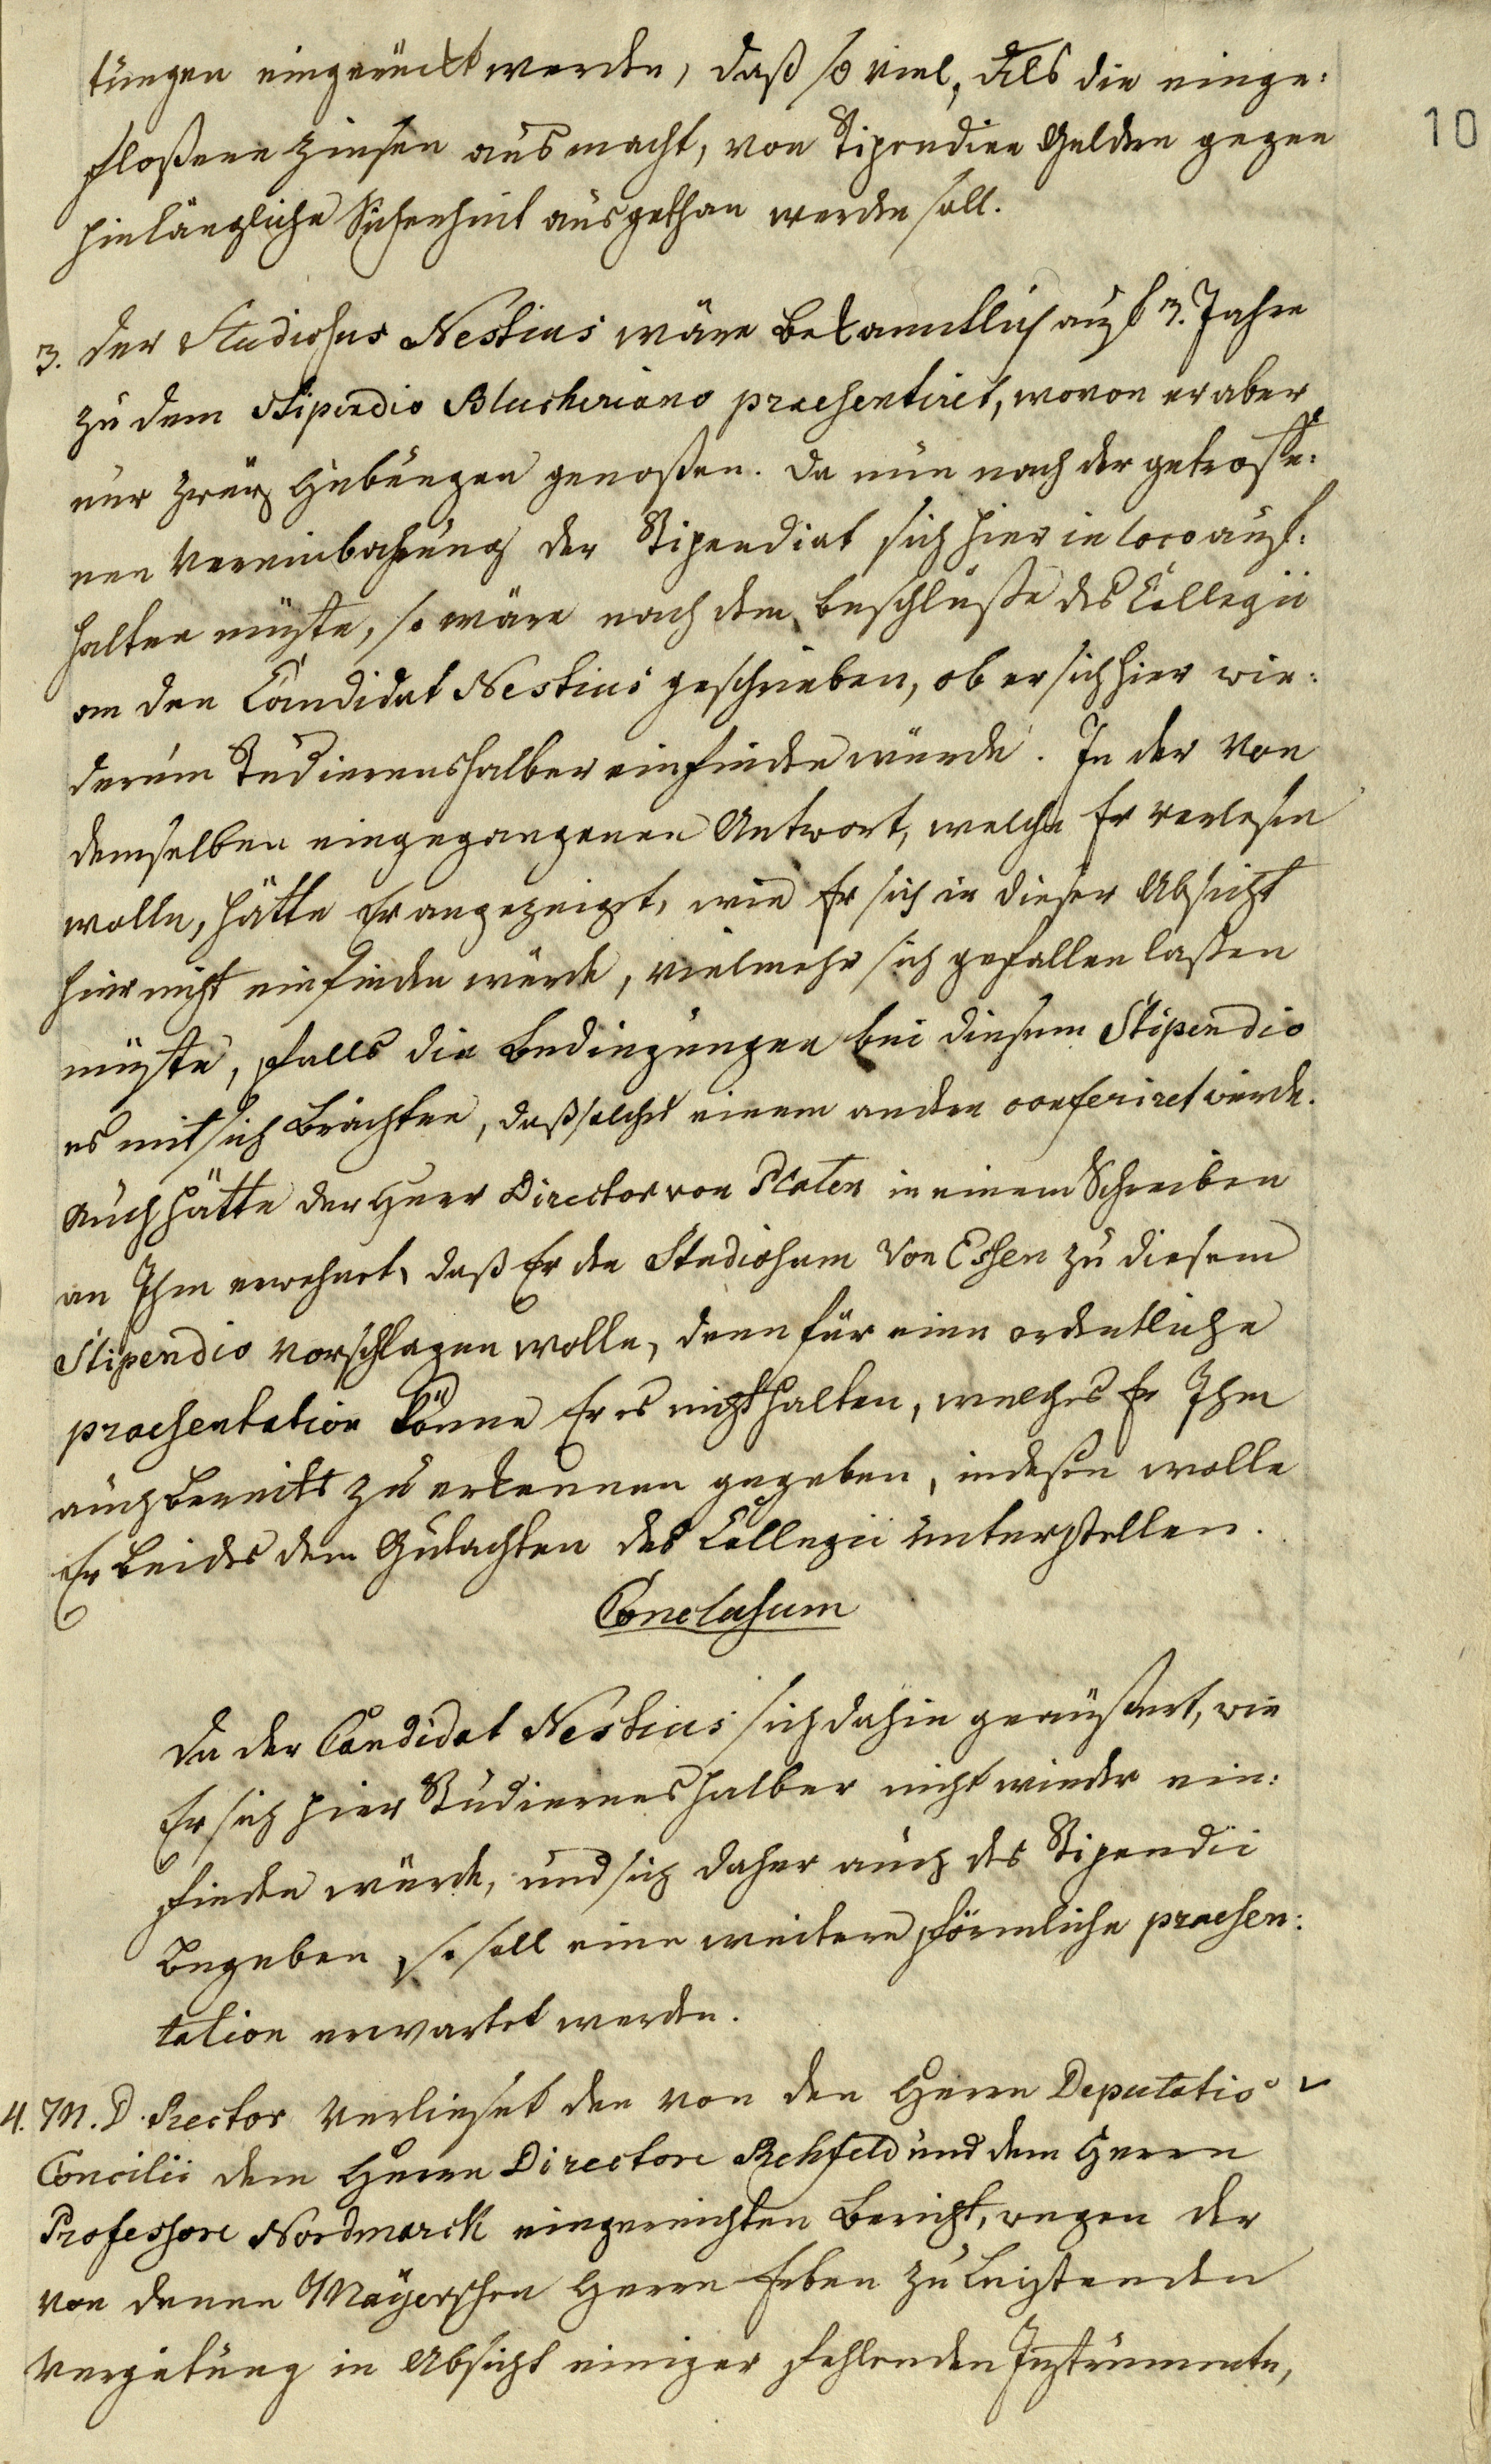tungen eingerückt werden, daß so viel, als die einge¬
floßene Zinsen ausmacht, von Stipendien Geldern gegen
hinlängliche Sicherheit ausgethan werden soll.
3. Der Studiosus Nestius wäre bekanntlich auf 3. Jahre
zu dem stipendio Blucheriano praesentiret, wovon er aber
nur zweÿ Hebungen genoßen. Da nun nach der getroffe¬
nen Vereinbahrung der Stipendiat sich hier in loco auf¬
halten müste, so wäre nach dem Beschluße des Collegii
an den Candidat Nestius geschrieben, ob er sich hier wie¬
derum Studierenshalber einfinden würde. In der von
demselben eingegangenen Antwort, welche Er verlesen
wolle, hätte Er angezeiget, wie Er sich in dieser Absicht
hier nicht einfinden würde, vielmehr sich gefallen laßen
müste, falls die Bedingungen bei diesem Stipendio
es mit sich brächten, daß solches einem andern conferiret würde.
Auch hätte der Herr Director von Platen in einem Schreiben
an Ihm erwehnet, daß Er den Studiosum von Essen zu diesem
Stipendio vorschlagen wolle, denn für eine ordentliche
praesentation könne Er es nicht halten, welches Er Ihm
auch bereits zu erkennen gegeben, indeßen wolle
Er beides dem Gutachten des Collegii unterstellen.
Conclusum
Da der Candidat Nestius sich dahin geäußert, wie
Er sich hier Studierens halber nicht wieder ein¬
finden würde, und sich daher auch des Stipendii
begeben so soll eine weitere förmliche praesen¬
tation erwartet werden.
4. M. D. Rector verlieset den von den Herrn Deputatis
Concilii dem Herrn Director Rehfeld und dem Herrn
Professor Nordmarck eingereichten Bericht, wegen der
von denen Maÿerschen Herrn Erben zu leistenden
Vergütung in Absicht einiger fehlenden Instrumente,